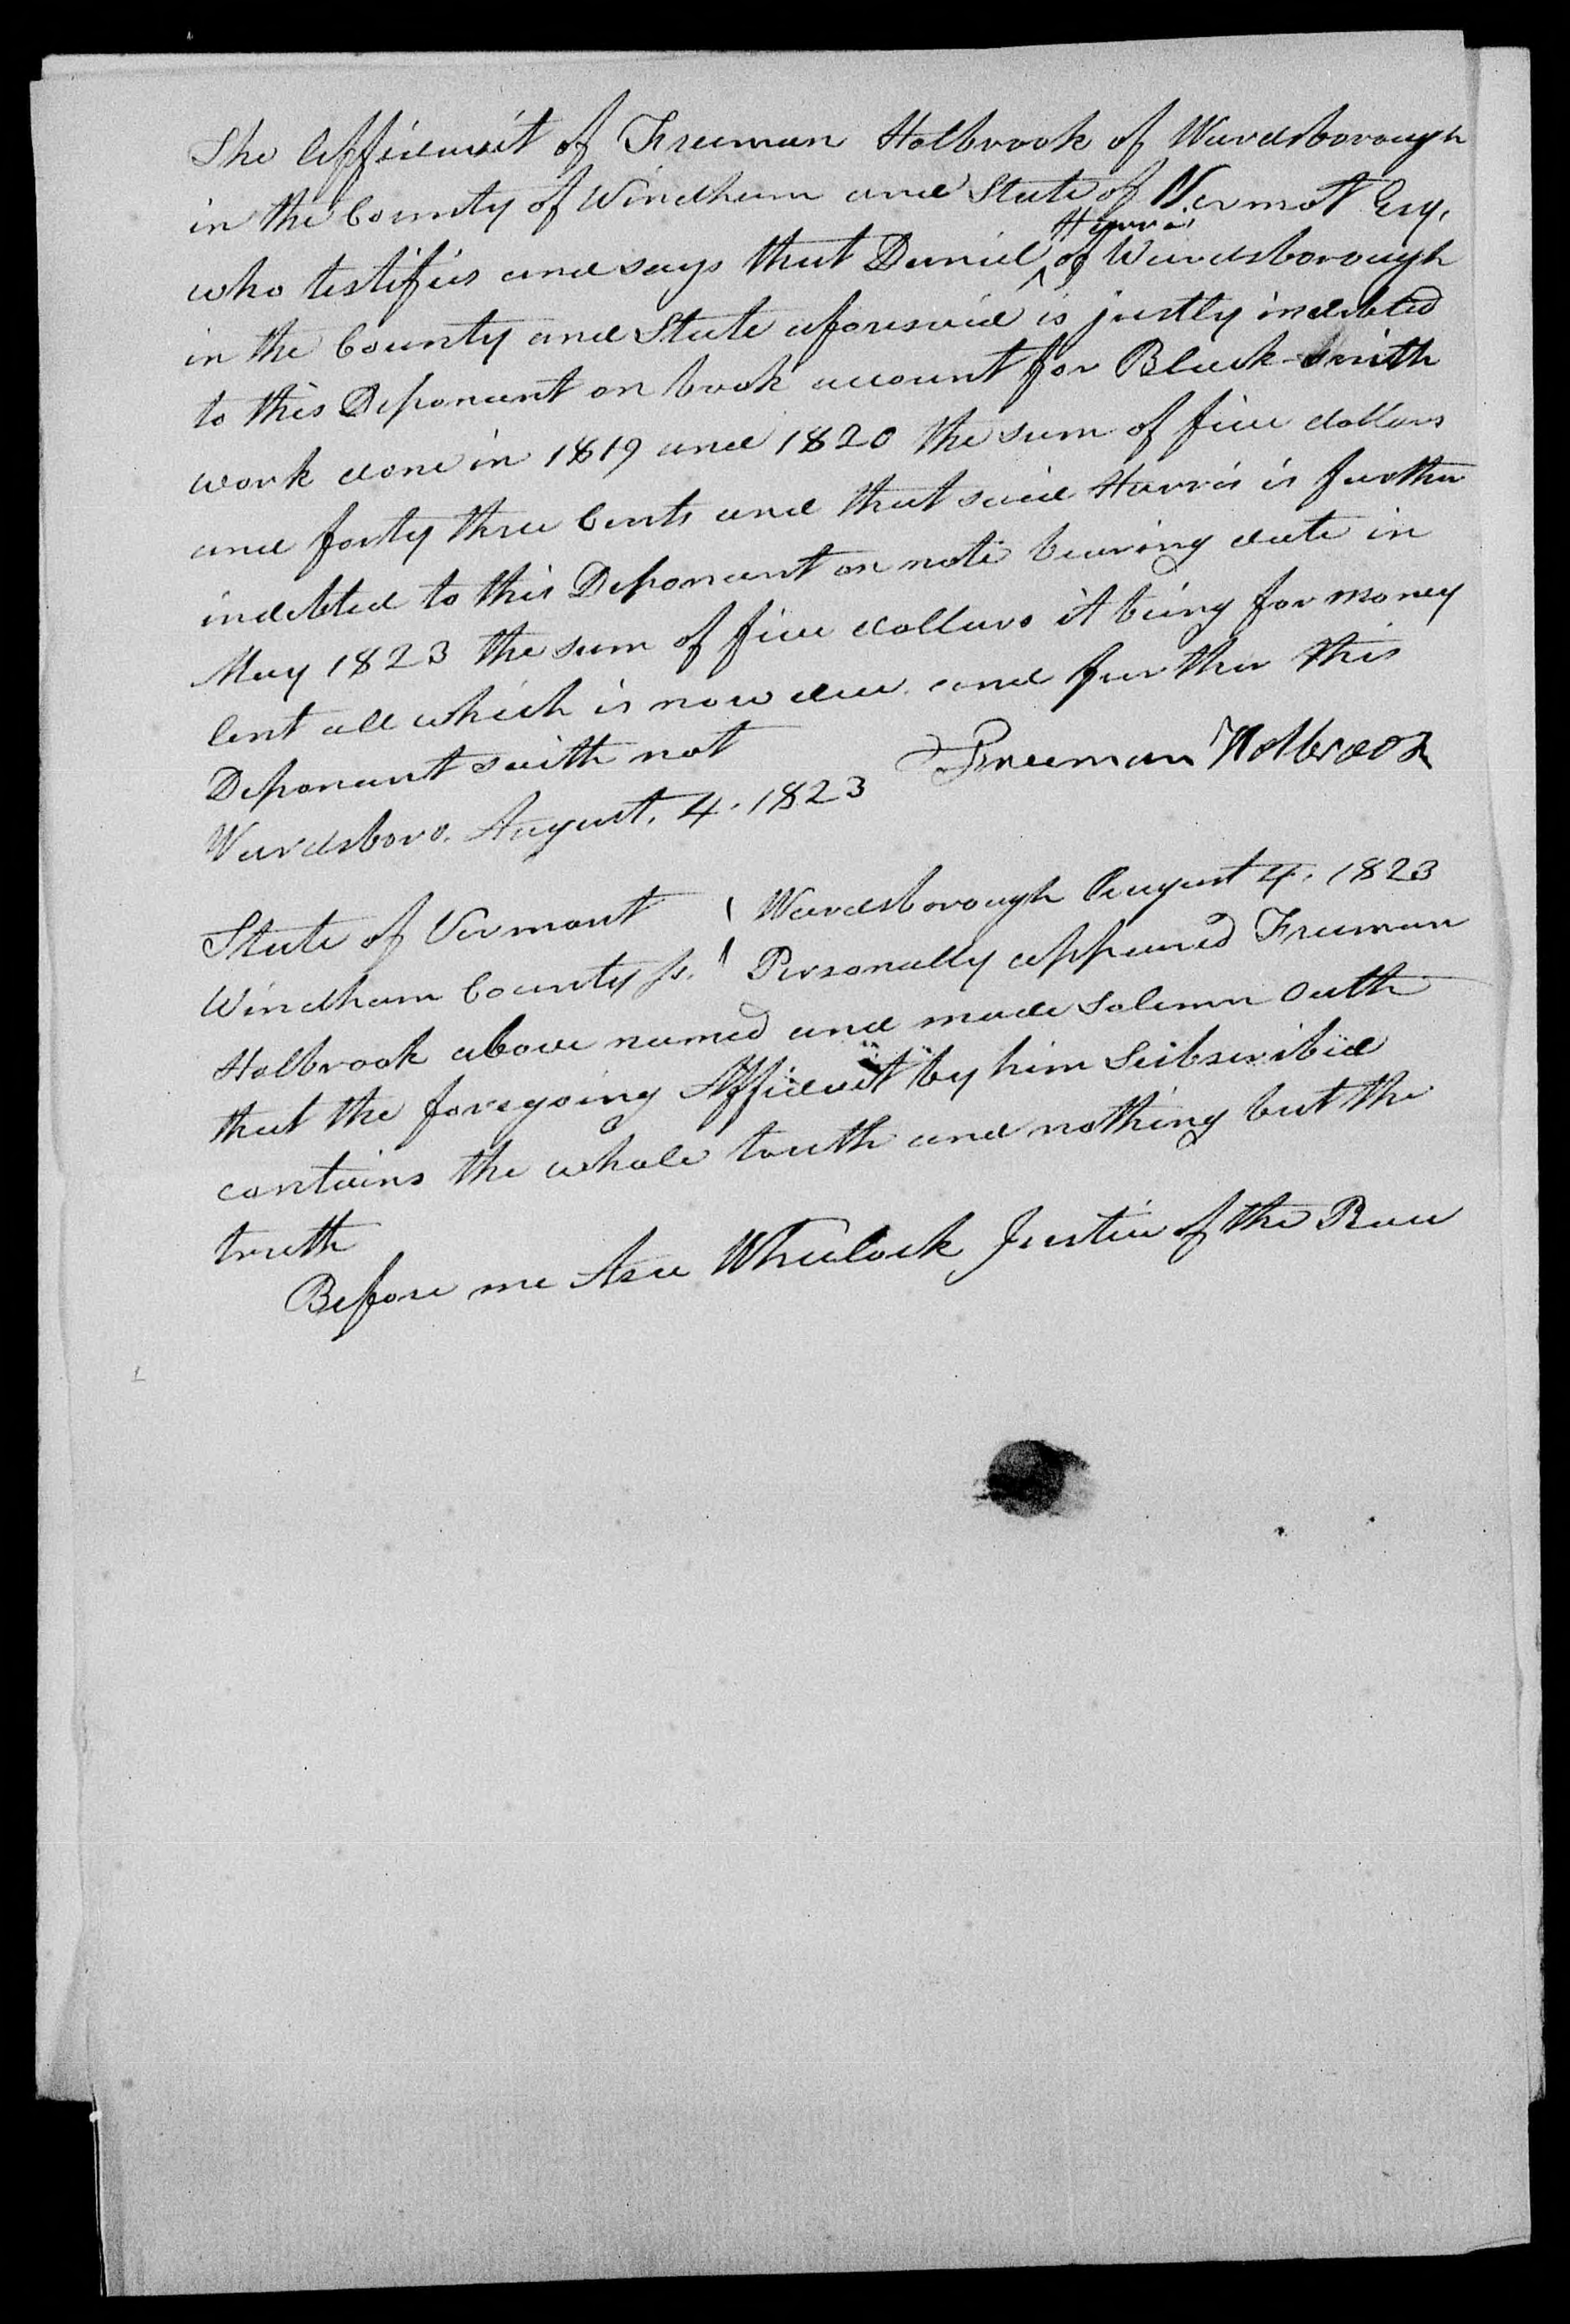The affidavit of Freeman Holbrook of Wardsborough in the County of Windham and State of Vermont Esq who testifies and says that Daniel Harris of Wardsborough in the County and State aforesaid is justly indebted to this deponant on book account for Black Smith work done in 1819 and 1820 the sum of five dollars and forty three cents and that said Harris is further indebted to this deponant on note bearing date in May 1823 the sum of five dollars it being for money lent all which is now due and further this deponant is with not.
Wardsboro, August 4, 1823  
Freeman Holbrook

State of Vermont Wardsborough August 4, 1823
Windham County ss. Personally appeared Freeman Holbrook above named and made solemn oath that the foregoing affidavit by him subscribed contains the whole truth and nothing but the truth.
Before me Asa Wheelock Justice of the Peace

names: Freeman Holbrook, Freeman Holbrook, Harris, Freeman Holbrook, Asa Wheelock, Daniel Harris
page: 61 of 68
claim: survivor's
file: S. 29,877, Daniel Harris, Mass.